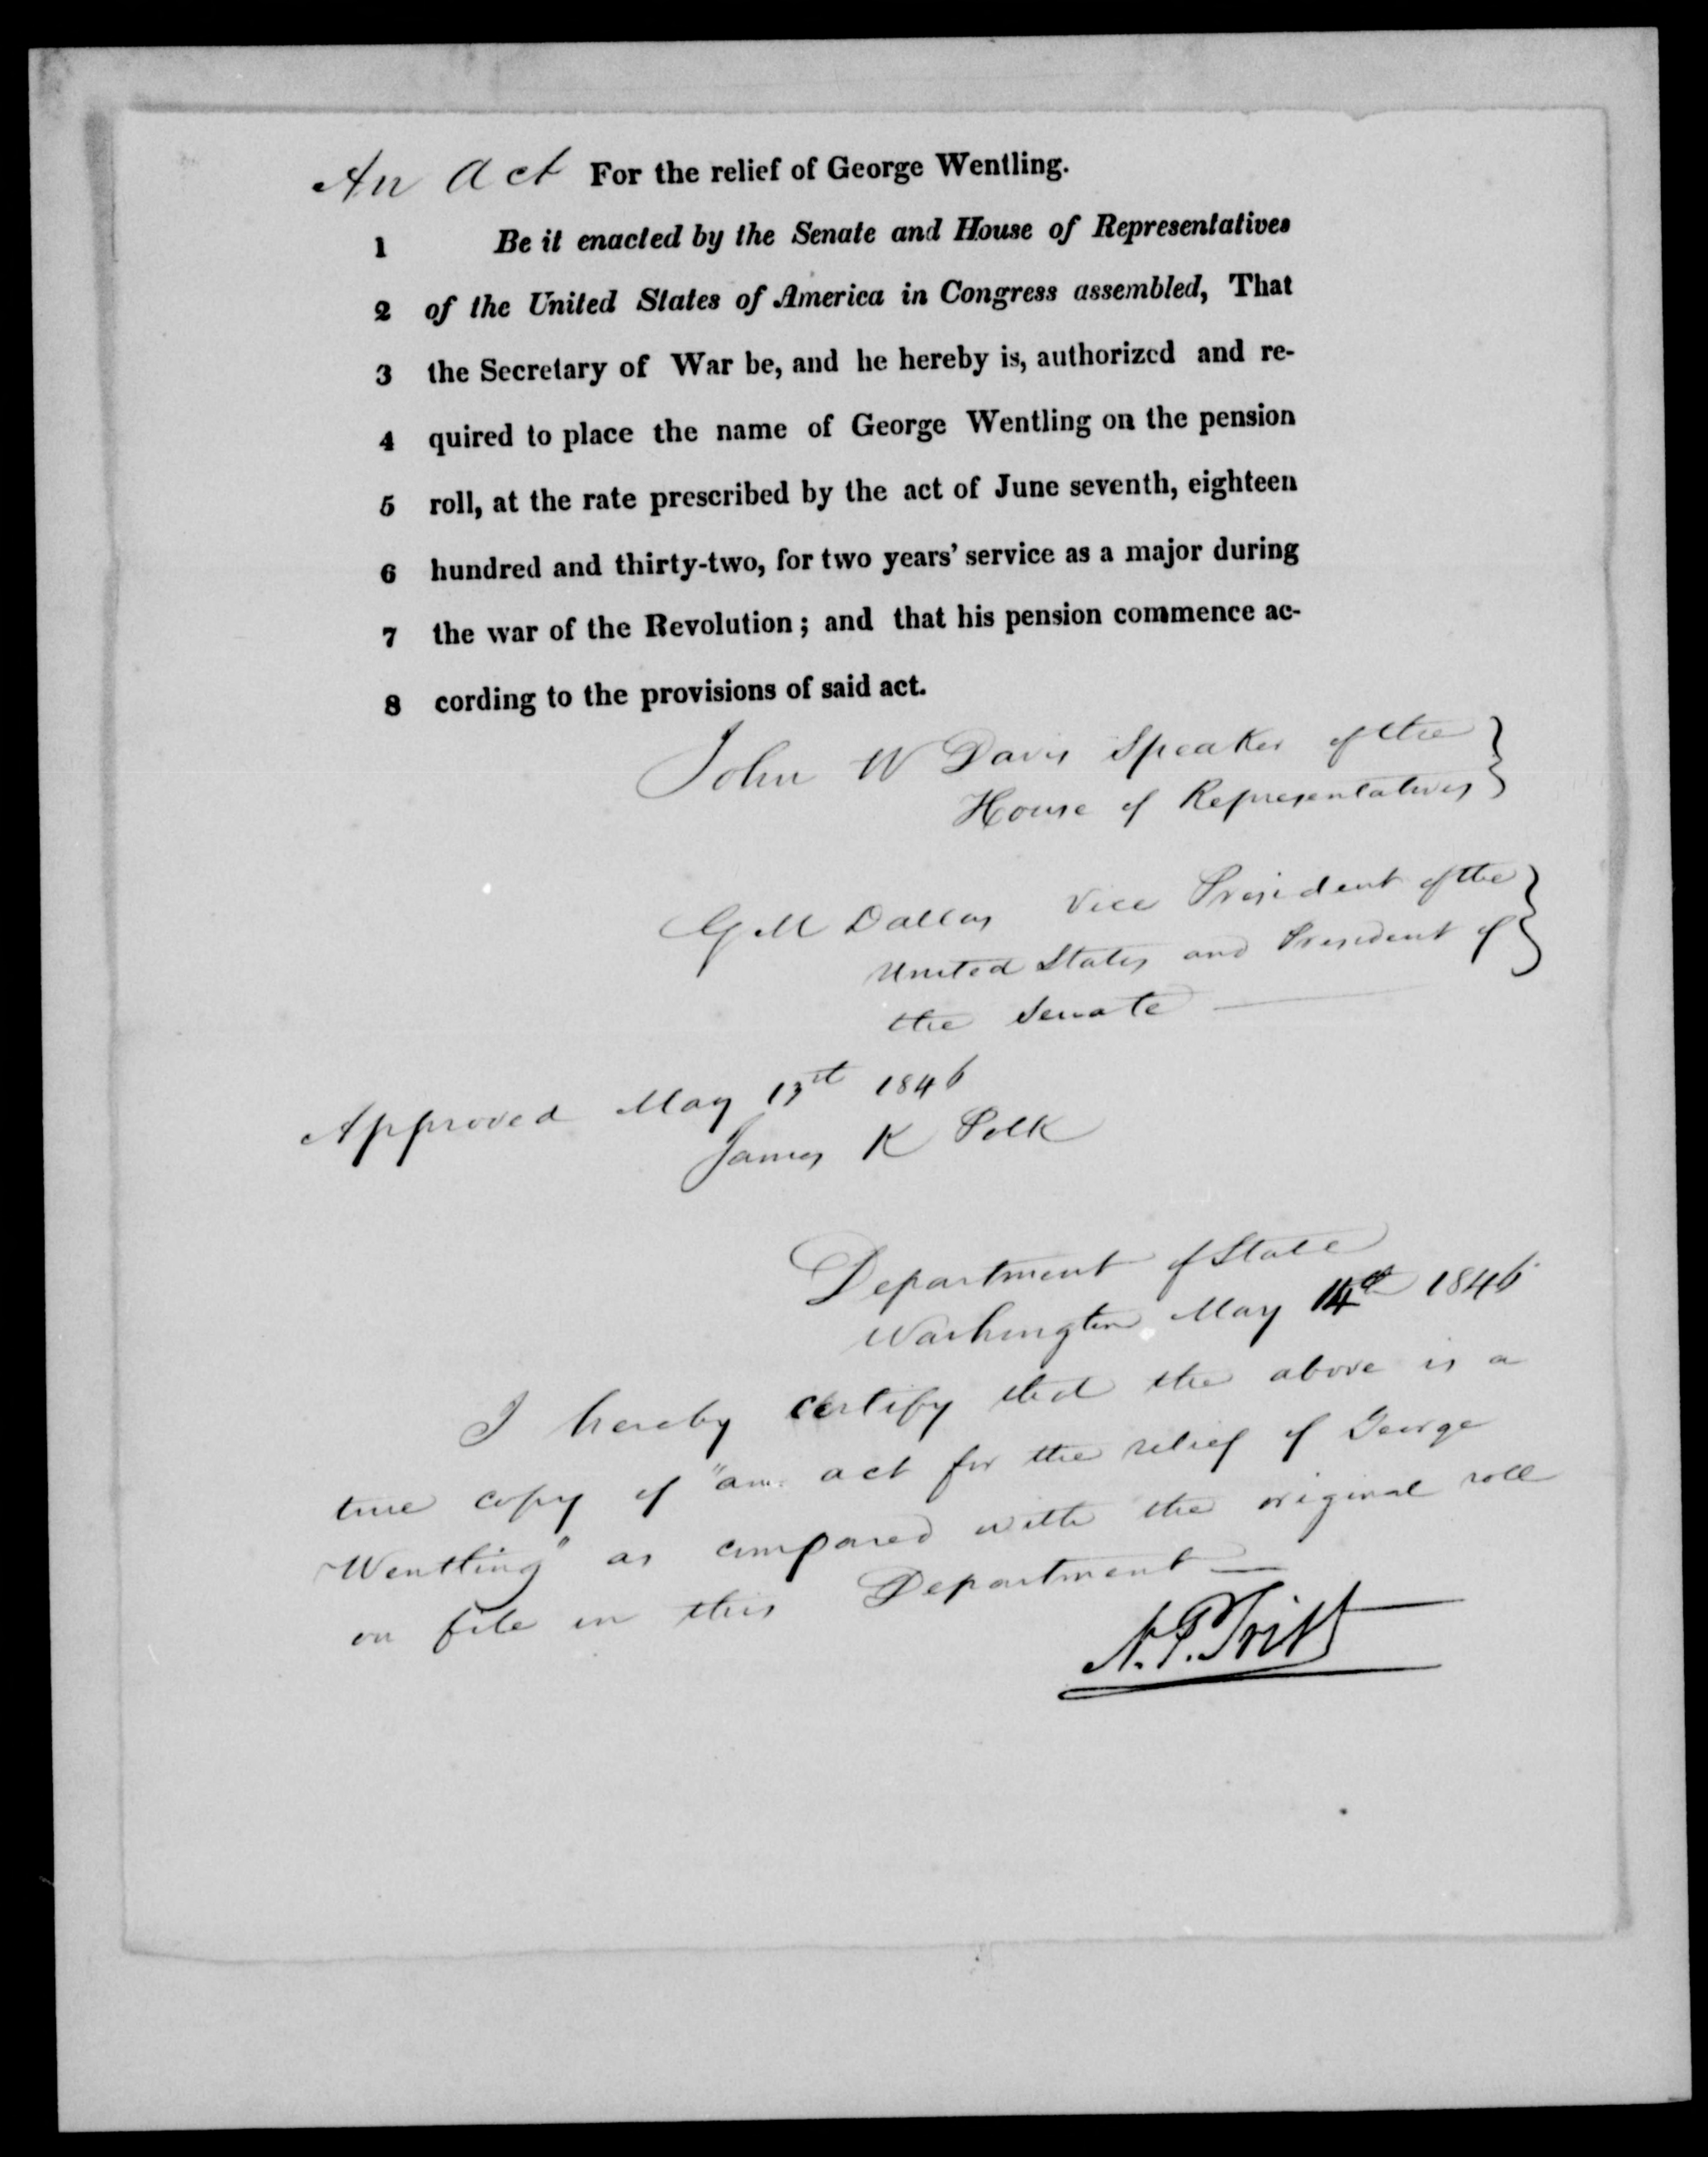An Act For the relief of George Wentling
1 Be it enacted by the Senate and House of Representatives
2 of the United State of America in Congress assembled, That
3 the Secretary of War be, and he hereby is, authorized and re
4 quired
to place the name of George Wentling on the pension
5 roll, at the rate prescribed by the act of June seventh, eighteen
6 hundred and thirty-two, for two years' service as a major during 
7 the war of the Revolution; and that his pension commence according
to the provisions of said act.

John W Davis Speaker of the
House of Representatives
G M Dallas
Vice President of the ⎬
United States and President of
the Senate
Approved May 17th 1846
James K Polk

Department of State
Washington May 14th 1846
I hereby certify that the above is a
true copy of an act for the relief of George
Wentling as compared with the original roll
on file in this Department

N. P. Trist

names: N P Trist, James K Polk, George Wentling, G M Dallas, John W Davis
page: 15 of 68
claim: survivor's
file: S. 6,358, George Wentling, Penn.